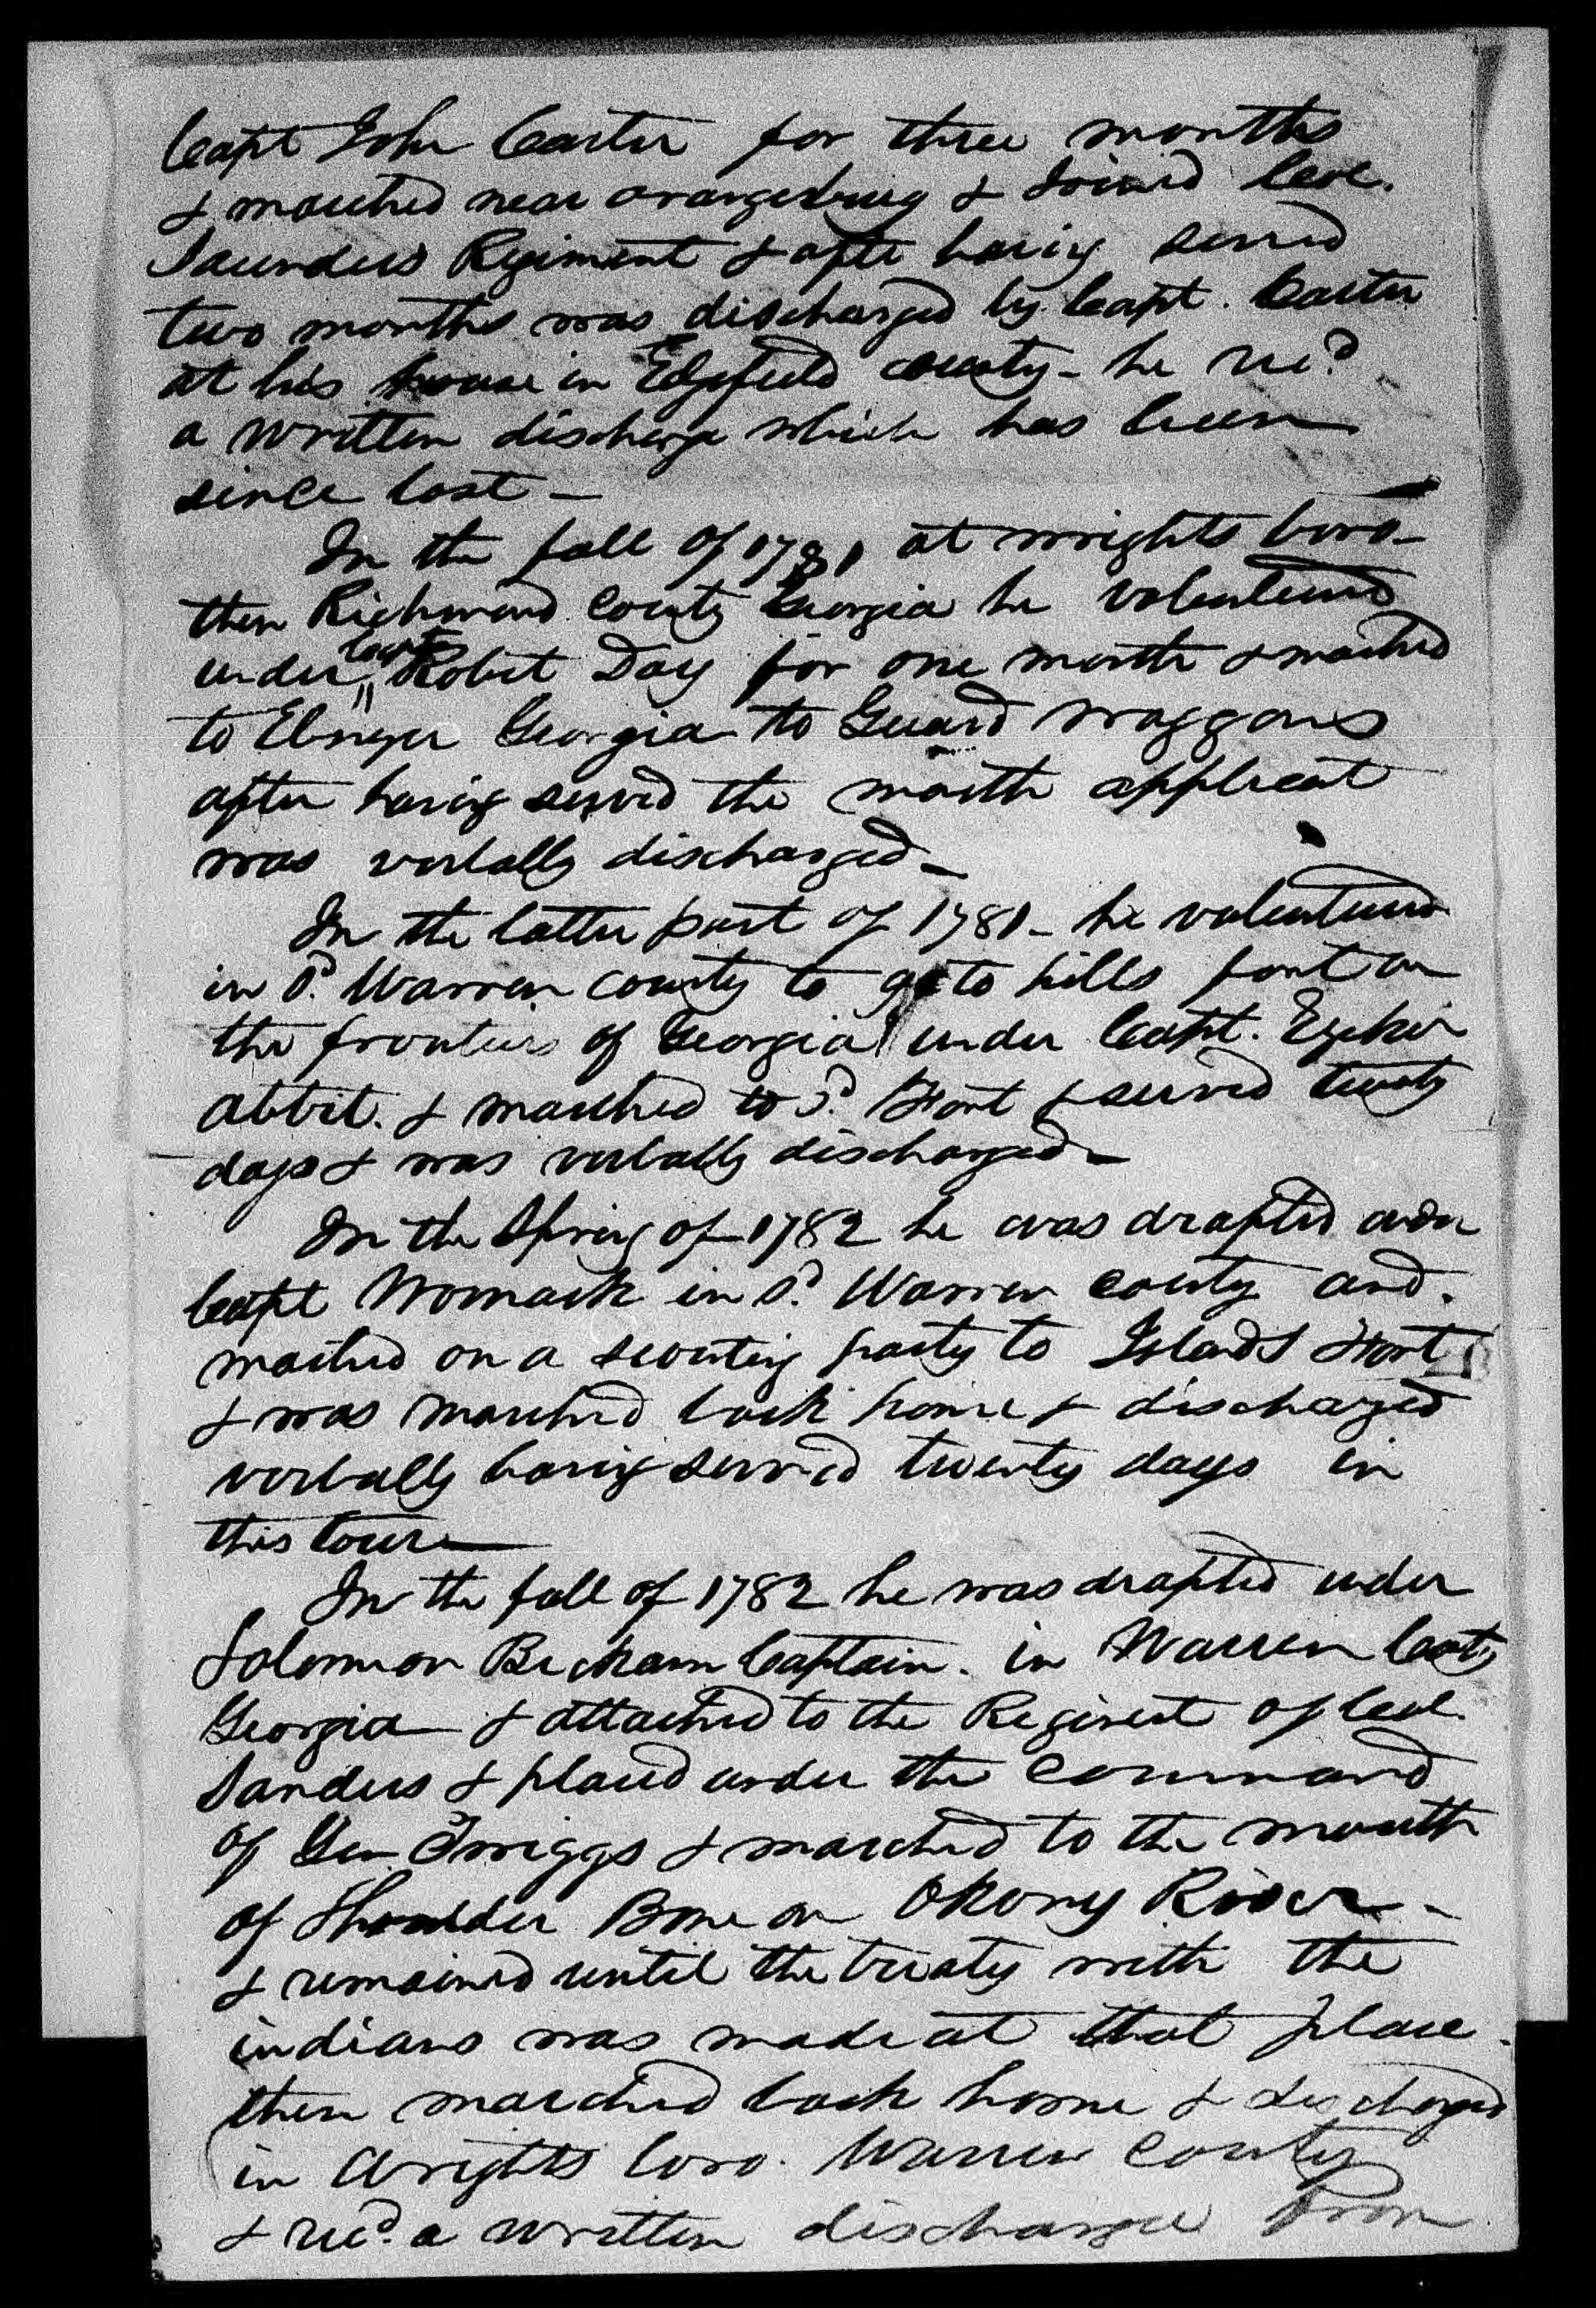Capt John Carter for three months 
& marched near Orangeburg & joined Col. 
Saunders regiment & after having served 
two months was discharged by Capt. Carter 
at his house in Edgefield County. He recd.  
a written discharge which has been 
since lost.

In the fall of 1781 at Wrightsboro 
then Richmond County George he volunteered 
under Capt Robet Day for one months & marched 
to Elsinger Georgia to guard waggons [wagons] 
after having served the month applicant 
was verbally discharged.

In the latter part of 1781, he volunteered 
in sd. Warren County to go to Hills fort on 
the frontiers of Georgia under Capt. Ezekiel 
Abbit & marched to sd. Fort & served twenty 
days & was verbally discharged.

In the spring of 1782 he was drafted under 
Capt. Womack in sd. Warren County and 
marched on a scouting party to Islands Fort 
& was marched back home & discharged 
verbally having served twenty days in 
this tour.

In the fall of 1782 he was drafted under 
Solomon Bickam Captain in Warren County 
Georgia & attached to the regiment of Col.  
Sanders & placed under the command 
of Gen Triggs & marched to the mouth 
of [illegible] Bone on Okony River 
& remained until the treaty with the 
indians was made at that place 
then marched back home & discharged 
in Wrightsboro Warren County 
& recd. a written discharge from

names: [BLANK] Womack; John Carter; Ezekie Abbit; Solomon Bickam; Geo Triggs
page: 16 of 115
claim: widow's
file: W. 1446, for John Mc Clung, South Carolina